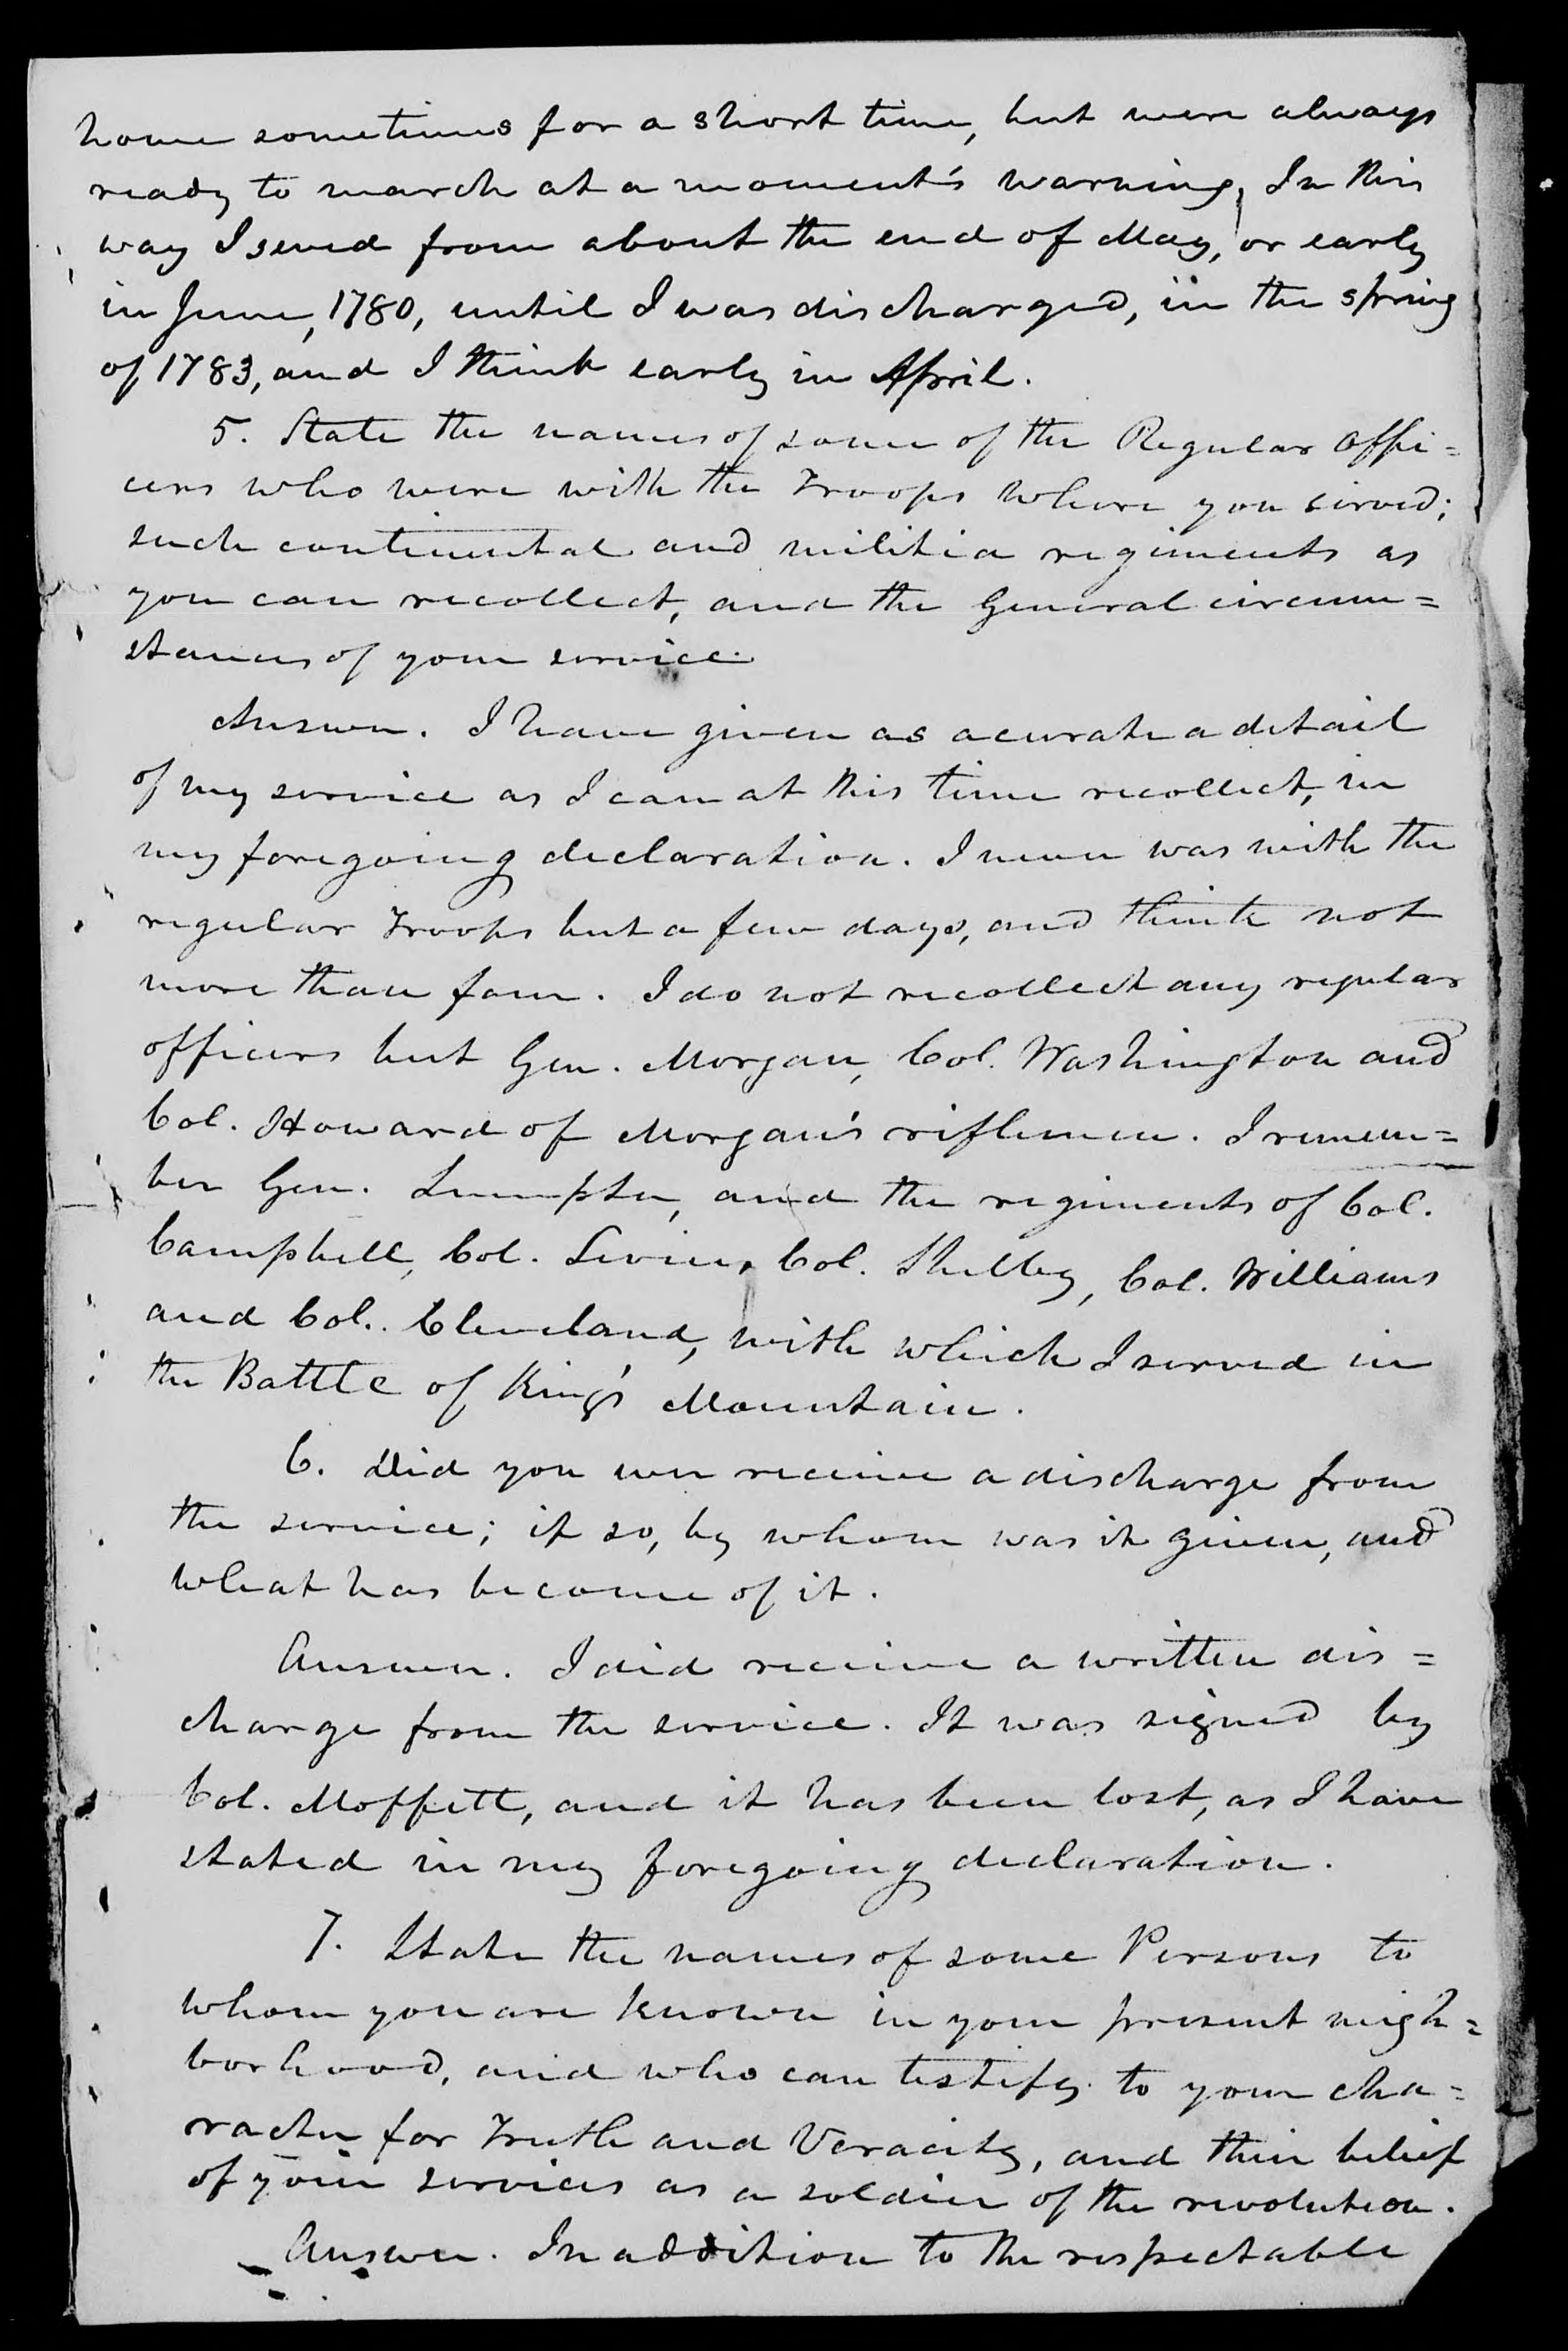home sometimes for a short time, but were always ready to march at a moment's warning, in this way I served from about the end of May, or early in June, 1780, until I was discharged, in the spring of 1783, and I think early in April
5. State the names of some of the Regular officers who were with the troops where you served
such continental and militia regiments as you can recollect, and the General circumstances of your service
Answer. I have given as accurate detail of my service as I can at this time recollect, in my foregoing declaration. I never was with the regular troops but a few days, and there not more than four. I do not recollect any regular officers but Gen. Morgan, Col. Washington and Col. Howard of Morgan's riflemen, I remember Gen. Sumpter and the regiment of Col Campbell, Col. Levice Col. Shelley, Col. Williams and Col. Cleveland, with which I served in the Battle of Kings Mountain
6. Did you ever receive a discharge from the service; if so, by whom was it given, and what has become of it.
Answer. I did receive a written discharge from the service. It was signed by Col. Moffitt, and it has been lost, as I have stated in my foregoing declaration.
7. State the names of some persons to whom you are known in your present neighborhood, and who can testify to your character for truth and veracity, and their belief of your services as a soldier of the revolution
Answer. In addition to the respectable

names: Williams, Levier, Howard, Moffitt, Washington, Morgan, Campbell, Shelby, Cleveland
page: 6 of 48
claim: rejected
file: R. 2173, James P Collins, S. C.